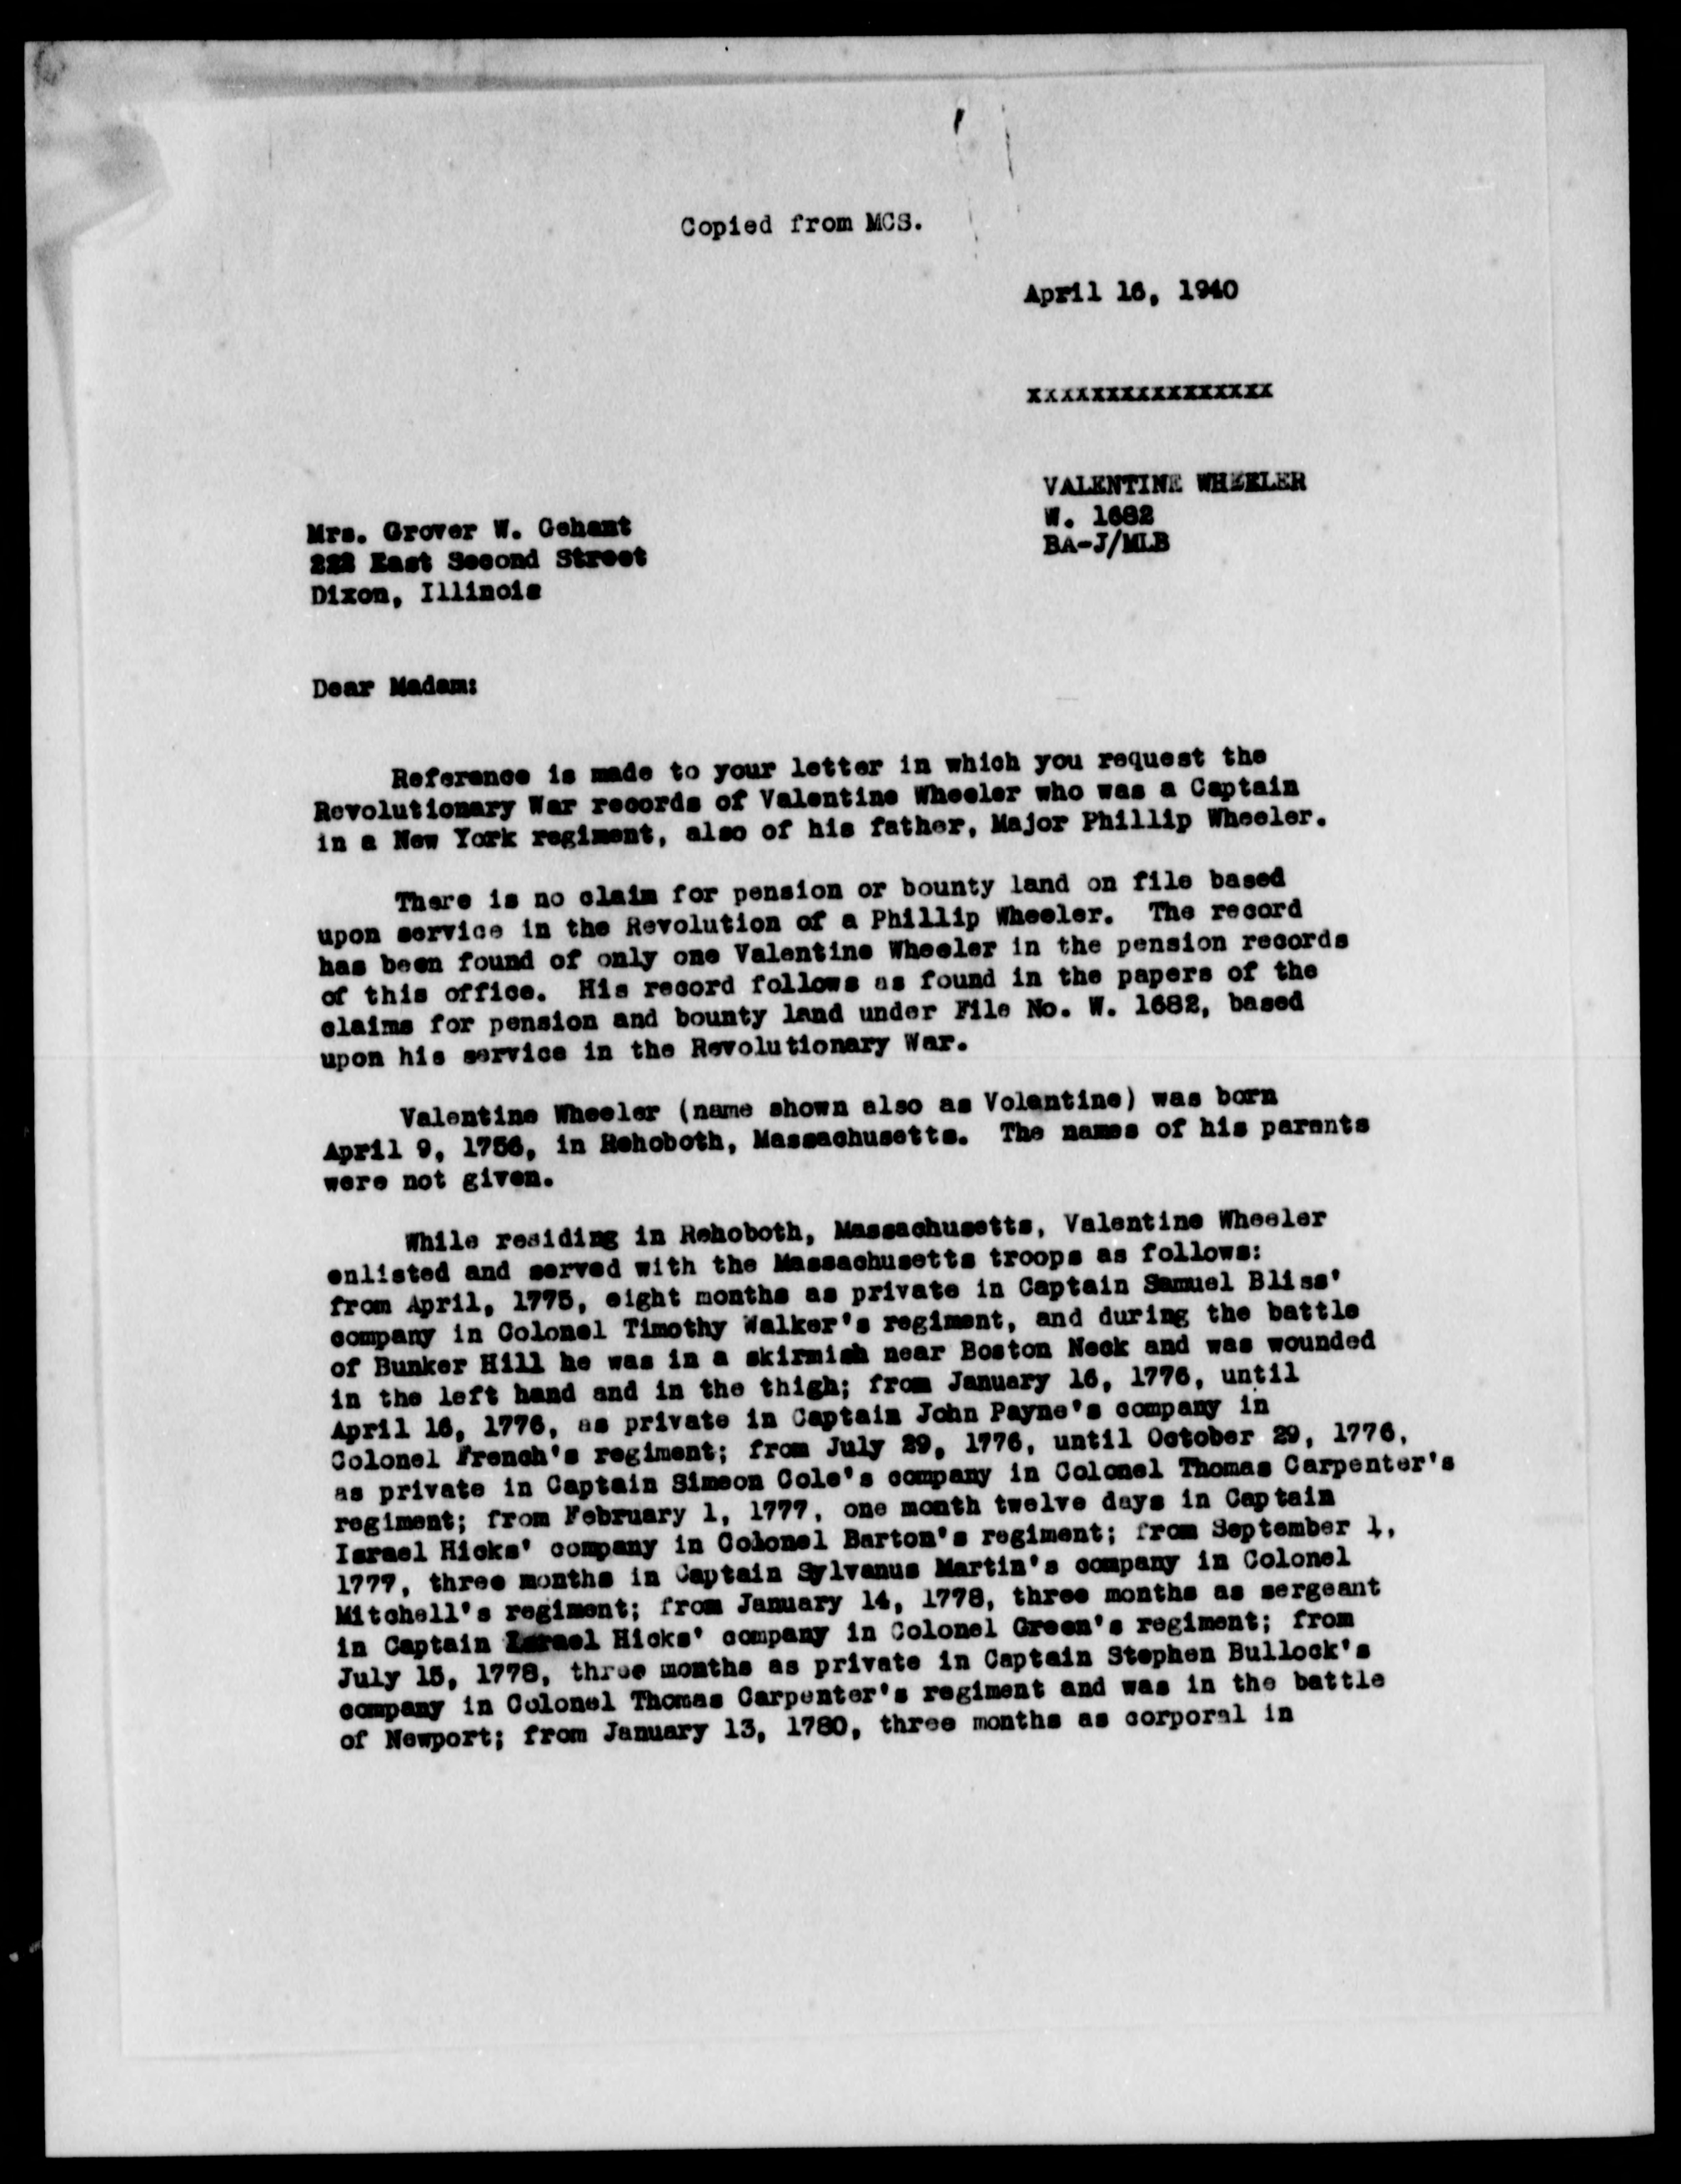Copied from MCS.

April 16, 1940
Valentine Wheeler
W.1682
BA-J/MLB

Mrs. Grover W. Gehant
222 East Second Street
 Dixon, Illinois

Dear Madam:
Reference is made to your letter in which you request the Revolutionary War records of Valentine Wheeler who was a Captain in a New York regiment, also of his father, Major Philip Wheeler.
There is no claim for pension or bounty land on file based upon service in the Revolution of a Phillip Wheeler. The record has been found of only one Valentine Wheeler in the pension records of this office. His record follows as found in the papers of the claims for pension and bounty land under File No. W. 1682, based upon his service in the Revolutionary War.
Valentine Wheeler (name shown also as Volentine) was born April 9, 1756, in Rehoboth, Massachusetts. The names of his parents were not given.
While residing in Rehoboth, Massachusetts, Valentine Wheeler enlisted and served with the Massachusetts troops as follows: from April 1775, eight months as private in Captain Samuel Bliss' company in Colonel Timothy Walker's regiment, and during the battle of Bunker he was in a skirmish near Boston Neck and was wounded in the left hand and in the thigh; from January 16, 1776, until April 16, 1776, as private in Captain John Payne's company in Colonel French's regiment; from July 29, 1776, until October 29, 1776, as private in Captain Simeon Cole's company in Colonel Thomas Carpenter's regiment; from February 1, 1777, one month twelve days in Captain Israel Hicks' company in Colonel Barton's regiment; from September 1, 1777, three months in Captain Sylvanus Martin's company in Colonel Mitchell's regiment; from January 14, 1778, three months as sergeant in Captain Israel Hicks' company in Colonel Green's regiment; from July 15, 1778, three months as private in Captain Stephen Bullock's company in Colonel Thomas Carpenter's regiment and was in the battle of Newport; from January 13, 1780, three months as corporal in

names: Volentine, Grover W Gehant, Valentine Wheeler, Phillip Wheeler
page: 29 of 98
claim: widow's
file: W. 1682, Valentine Wheeler, Mass.